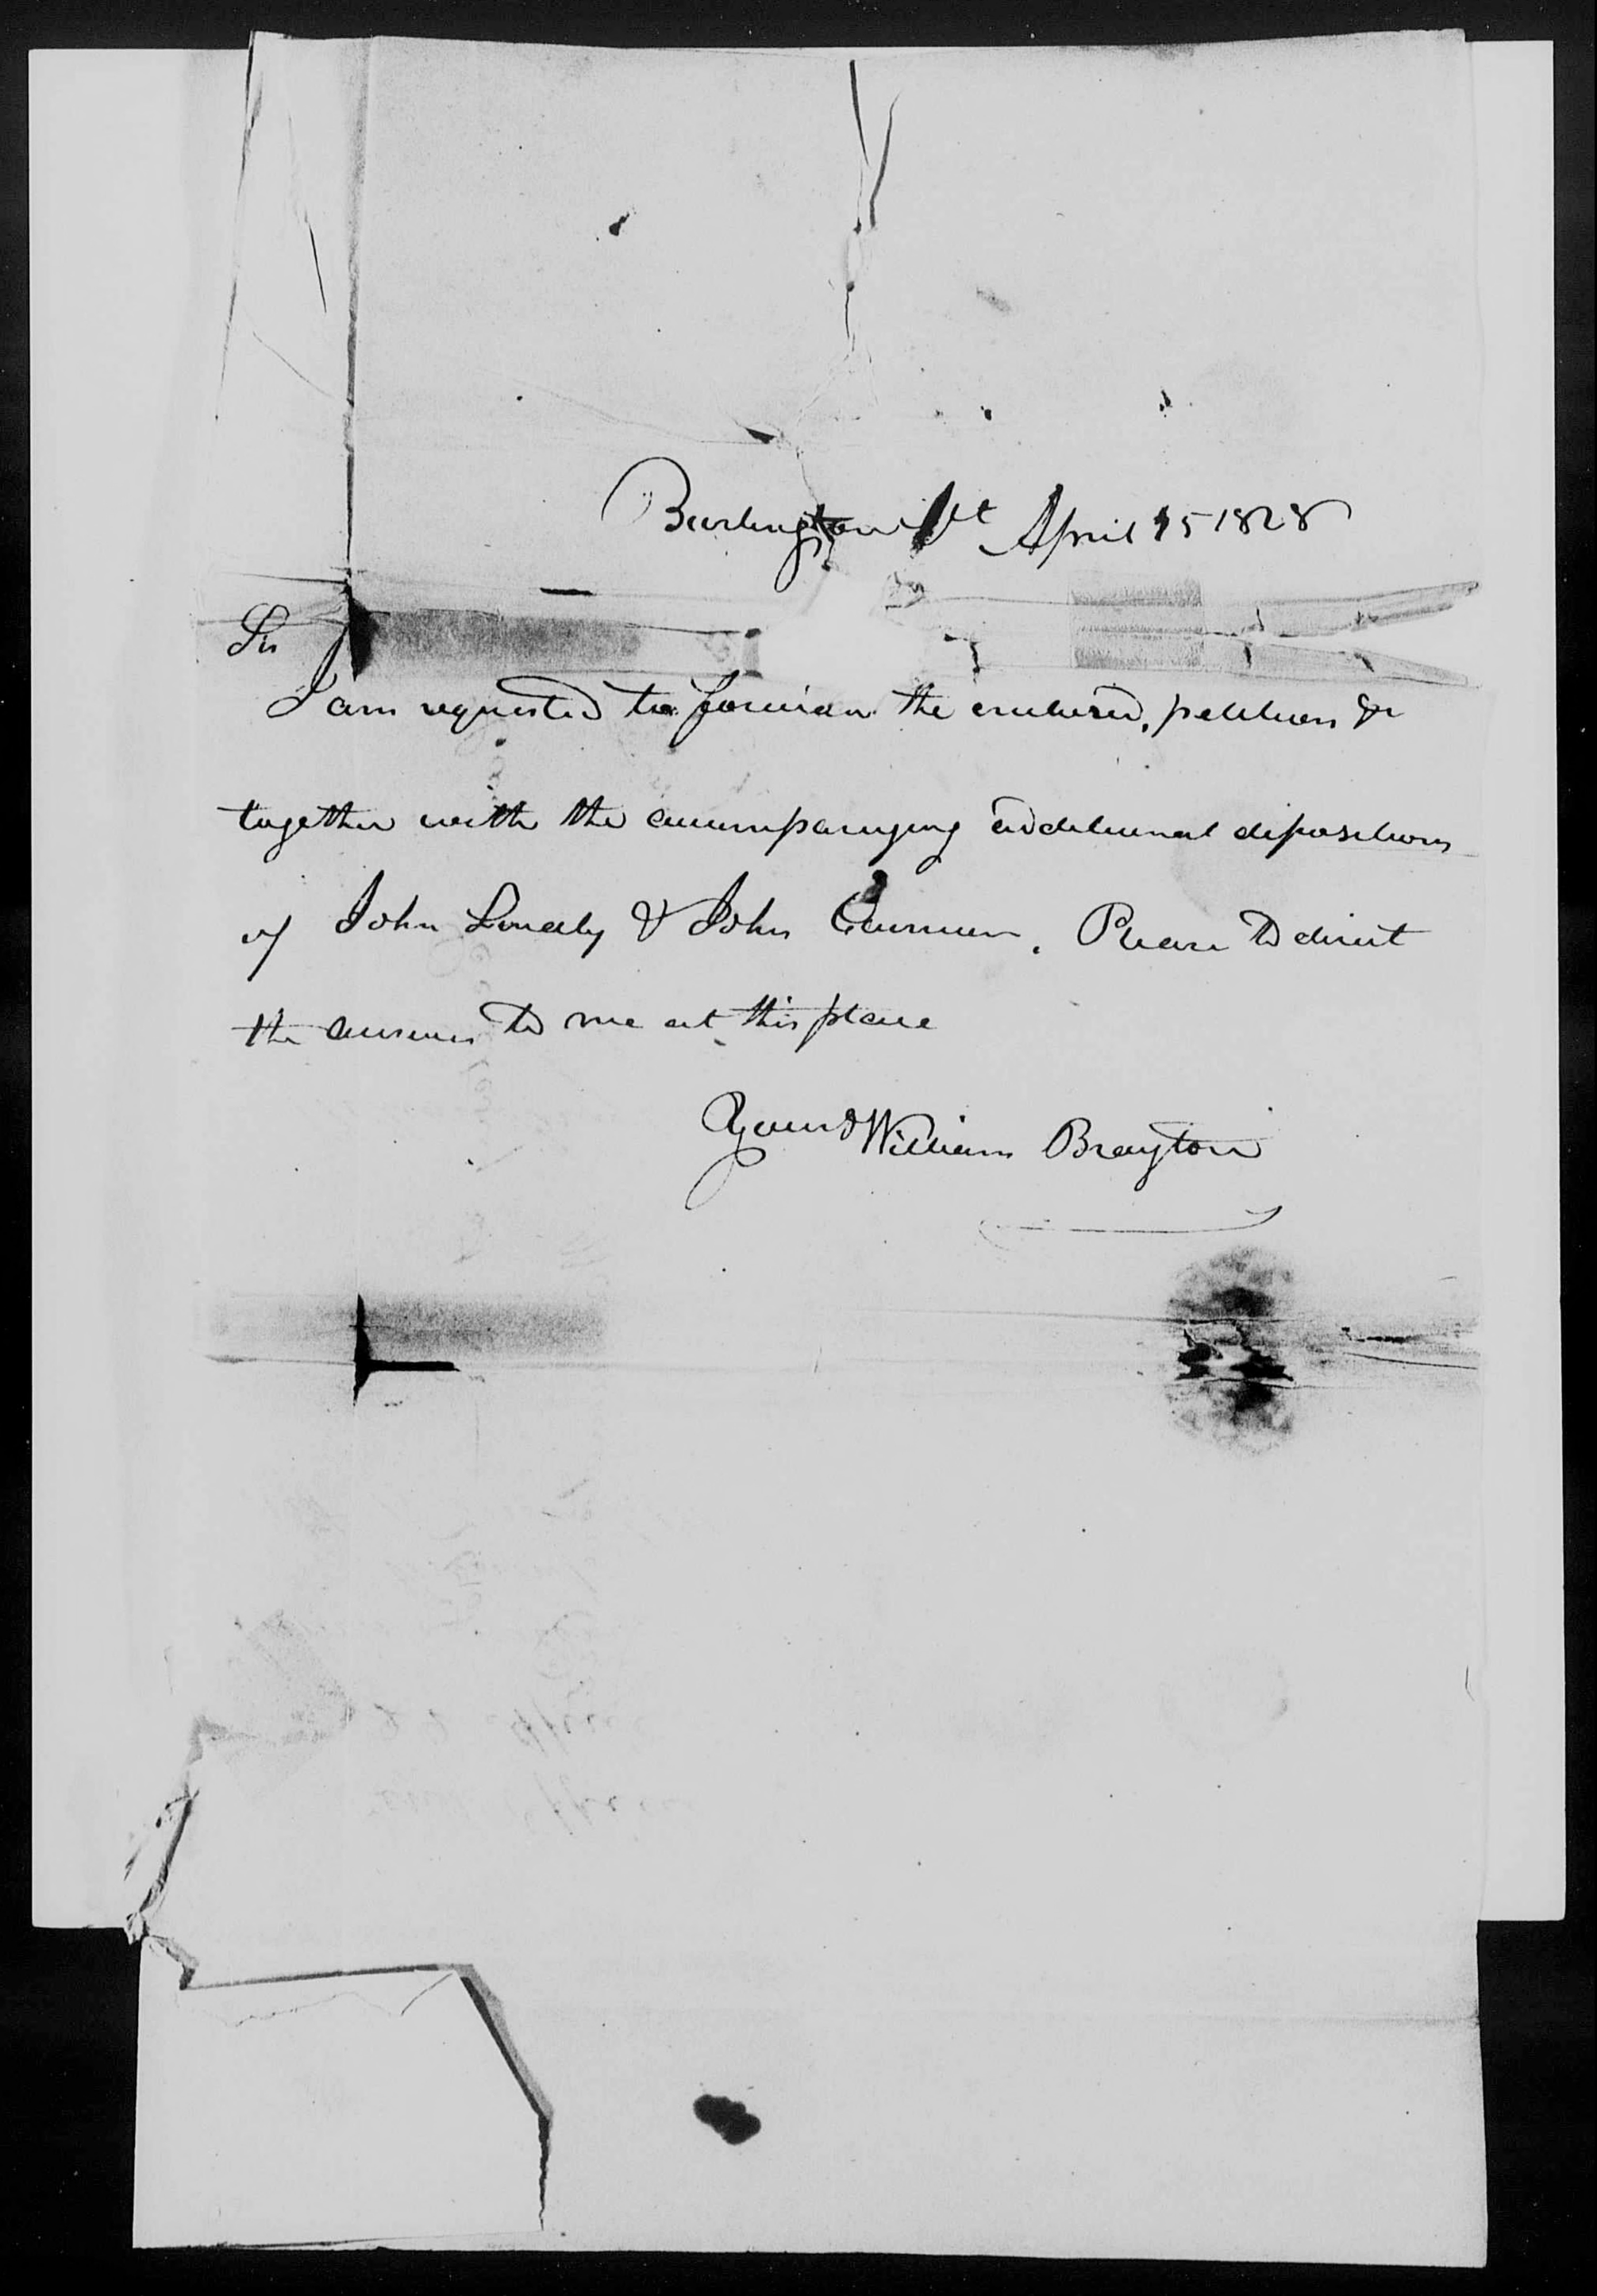Burlington Vt April 25 1828

Sir
I am requested to provide the enclosed petition & together with the accompanying additional depositions of John Lindly & John Carmen.
Please Deliver
the answer
to me at this place
Yours William Brayton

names: John Lindly, John Carmen, William Brayton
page: 87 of 100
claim: survivor's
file: S 19186, James Austin, Conn. New York R.I.